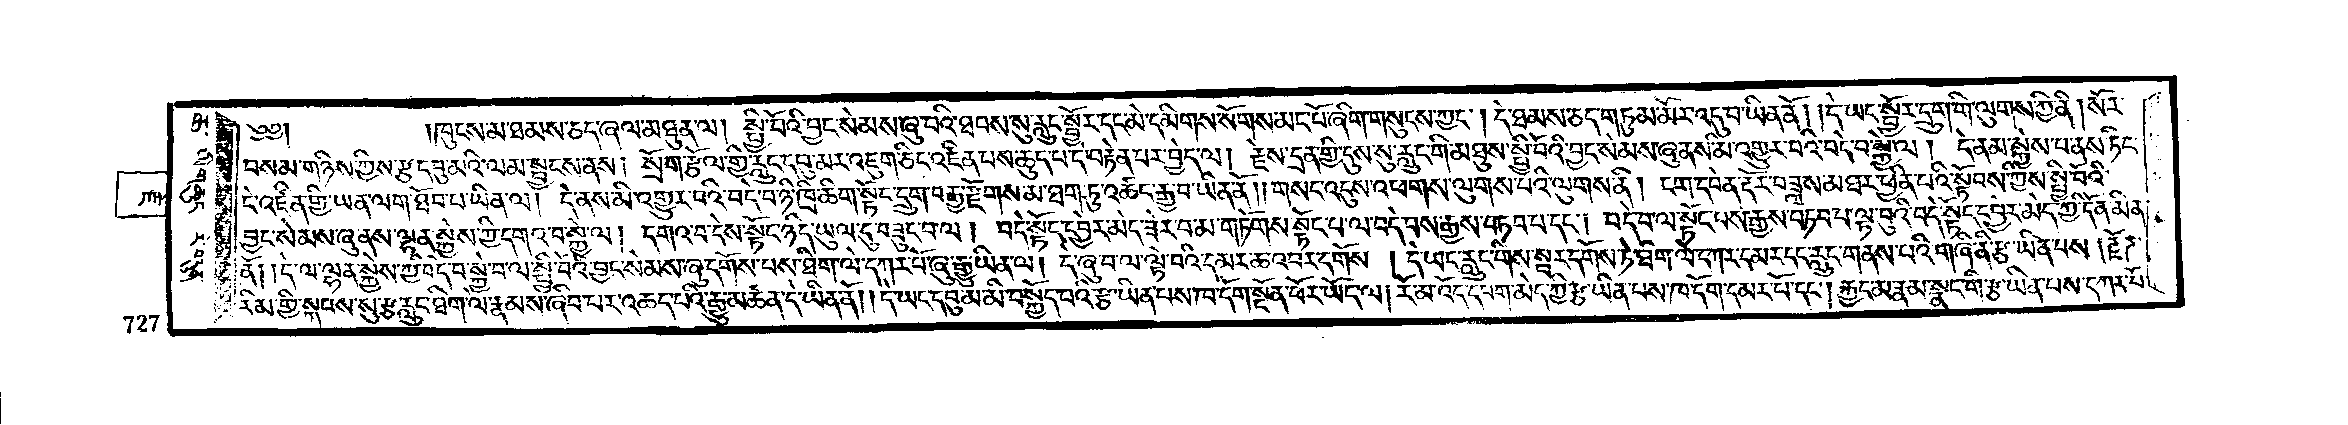༄༅། །ཁུངས་མ་ཐམས་ཅད་ཞལ་མཐུན་ལ། སྤྱི་བོའི་བྱང་སེམས་ཞུ་བའི་ཐབས་སུ་རླུང་སྦྱོར་དང་མེ་དམིགས་སོགས་མང་པོ་ཞིག་གསུངས་ཀྱང་། དེ་ཐམས་ཅད་གཏུམ་མོར་འདུ་བ་ཡིན་ནོ། །དེ་ཡང་སྦྱོར་དྲུག་གི་ལུགས་ཀྱི་ནི། སོར་
བསམ་གཉིས་ཀྱིས་རྩ་དབུ་མའི་ལམ་སྦྱངས་ནས། སྲོག་རྩོལ་གྱི་རླུང་དབུ་མར་འཇུག་ཅིང་འཛིན་པས་ཆུད་པ་དེ་བརྟེན་པར་བྱེད་ལ། རྗེས་དྲན་གྱི་དུས་སུ་རླུང་གི་མཐུས་སྤྱི་བོའི་བྱང་སེམས་ཞུ་ནས་མི་འགྱུར་བའི་བདེ་བ་སྐྱེ་ལ། དེ་ནམ་སྐྱེས་པ་ནས་ཏིང་
ངེ་འཛིན་གྱི་ཡན་ལག་ཐོབ་པ་ཡིན་ལ། དེ་ནས་མི་འགྱུར་བའི་བདེ་བ་ཉི་ཁྲི་ཆིག་སྟོང་དྲུག་བརྒྱ་རྫོགས་མ་ཐག་ཏུ་འཚང་རྒྱ་བ་ཡིན་ནོ། །གསང་འདུས་འཕགས་ལུགས་པའི་ལུགས་ནི། ངག་དབེན་རྡོར་བཟླས་མཐར་ཕྱིན་པའི་སྟོབས་ཀྱིས་སྤྱི་བོའི་
བྱང་སེམས་ཞུ་ནས་ལྷན་སྐྱེས་ཀྱི་དགའ་བ་སྐྱེ་ལ། དགའ་བ་དེས་སྟོང་ཉིད་ཡུལ་དུ་བཟུང་བ་ལ། བདེ་སྟོང་དབྱེར་མེད་ཟེར་བ་མ་གཏོགས་སྟོང་པ་ལ་བདེ་བས་རྒྱས་བཏབ་པ་དང་། བདེ་བ་ལ་སྟོང་པས་རྒྱས་བཏབ་པ་ལྟ་བུའི་བདེ་སྟོང་དབྱེར་མེད་ཀྱི་དོན་མིན་
ནོ། །དེ་ལ་ལྷན་སྐྱེས་ཀྱི་བདེ་བ་སྐྱེ་བ་ལ་སྤྱི་བོའི་བྱང་སེམས་ཞུ་དགོས་པས་ཐིག་ལེ་དཀར་པོ་ཞུ་རྒྱུ་ཡིན་ལ། དེ་ཞུ་བ་ལ་ལྟེ་བའི་དམར་ཆ་འབར་དགོས། དེ་ཡང་རླུང་གིས་སྦར་དགོས་ཏེ་ཐིག་ལེ་དཀར་དམར་དང་རླུང་གནས་པའི་གཞི་ནི་རྩ་ཡིན་པས། རྫོགས་
རིམ་གྱི་སྐབས་སུ་རྩ་རླུང་ཐིག་ལེ་རྣམས་ཞིབ་པར་འཆད་པའི་རྒྱུ་མཚན་དེ་ཡིན་ནོ། །དེ་ཡང་དབུ་མ་མི་བསྐྱོད་པའི་རྩ་ཡིན་པས་ཁ་དོག་སྔོན་པོར་ཡོད་ལ། རོ་མ་འོད་དཔག་མེད་ཀྱི་རྩ་ཡིན་པས་ཁ་དོག་དམར་པོ་དང་། རྐྱང་མ་རྣམ་སྣང་གི་རྩ་ཡིན་པས་དཀར་པོ།